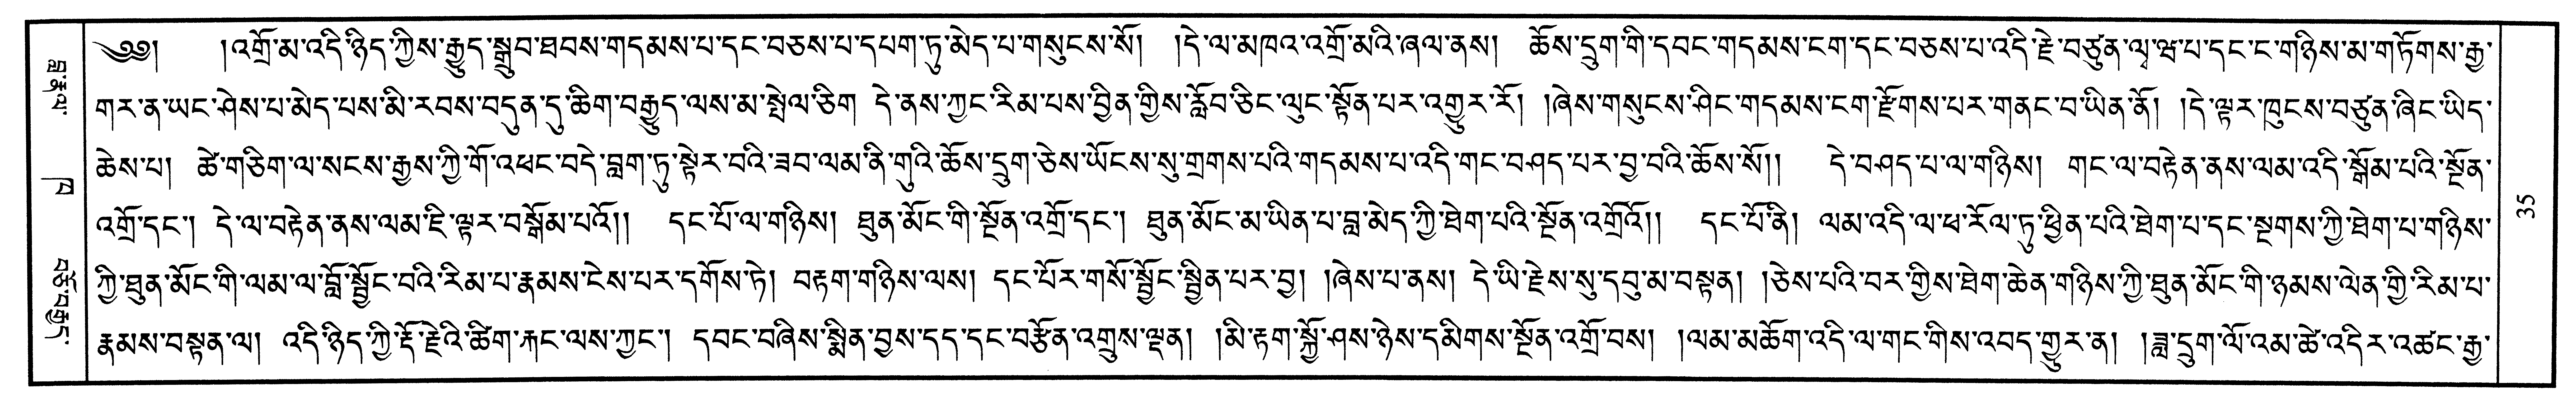༄༅། །འགྲོ་མ་འདི་ཉིད་ཀྱིས་རྒྱུད་སྒྲུབ་ཐབས་གདམས་པ་དང་བཅས་པ་དཔག་ཏུ་མེད་པ་གསུངས་སོ། །དེ་ལ་མཁའ་འགྲོ་མའི་ཞལ་ནས། ཆོས་དྲུག་གི་དབང་གདམས་ངག་དང་བཅས་པ་འདི་རྗེ་བཙུན་ལྭ་ཝ་པ་དང་ང་གཉིས་མ་གཏོགས་རྒྱ་
གར་ན་ཡང་ཤེས་པ་མེད་པས་མི་རབས་བདུན་དུ་ཆིག་བརྒྱུད་ལས་མ་སྤེལ་ཅིག་དེ་ནས་ཀྱང་རིམ་པས་བྱིན་གྱིས་རློབ་ཅིང་ལུང་སྟོན་པར་འགྱུར་རོ། །ཞེས་གསུངས་ཤིང་གདམས་ངག་རྫོགས་པར་གནང་བ་ཡིན་ནོ། །དེ་ལྟར་ཁུངས་བཙུན་ཞིང་ཡིད་
ཆེས་པ། ཚེ་གཅིག་ལ་སངས་རྒྱས་ཀྱི་གོ་འཕང་བདེ་བླག་ཏུ་སྟེར་བའི་ཟབ་ལམ་ནི་གུའི་ཆོས་དྲུག་ཅེས་ཡོངས་སུ་གྲགས་པའི་གདམས་པ་འདི་གང་བཤད་པར་བྱ་བའི་ཆོས་སོ།། དེ་བཤད་པ་ལ་གཉིས། གང་ལ་བརྟེན་ནས་ལམ་འདི་སྒོམ་པའི་སྔོན་
འགྲོ་དང་། དེ་ལ་བརྟེན་ནས་ལམ་ཇི་ལྟར་བསྒོམ་པའོ།། དང་པོ་ལ་གཉིས། ཐུན་མོང་གི་སྔོན་འགྲོ་དང་། ཐུན་མོང་མ་ཡིན་པ་བླ་མེད་ཀྱི་ཐེག་པའི་སྔོན་འགྲོའོ།། དང་པོ་ནི། ལམ་འདི་ལ་ཕ་རོལ་ཏུ་ཕྱིན་པའི་ཐེག་པ་དང་སྔགས་ཀྱི་ཐེག་པ་གཉིས་
ཀྱི་ཐུན་མོང་གི་ལམ་ལ་བློ་སྦྱོང་བའི་རིམ་པ་རྣམས་ངེས་པར་དགོས་ཏེ། བརྟག་གཉིས་ལས། དང་པོར་གསོ་སྦྱོང་སྦྱིན་པར་བྱ། །ཞེས་པ་ནས། དེ་ཡི་རྗེས་སུ་དབུ་མ་བསྟན། །ཅེས་པའི་བར་གྱིས་ཐེག་ཆེན་གཉིས་ཀྱི་ཐུན་མོང་གི་ཉམས་ལེན་གྱི་རིམ་པ་
རྣམས་བསྟན་ལ། འདི་ཉིད་ཀྱི་རྡོ་རྗེའི་ཚིག་རྐང་ལས་ཀྱང་། དབང་བཞིས་སྨིན་བྱས་དད་དང་བརྩོན་འགྲུས་ལྡན། །མི་རྟག་སྐྱོ་ཤས་ཉེས་དམིགས་སྔོན་འགྲོ་བས། །ལམ་མཆོག་འདི་ལ་གང་གིས་འབད་གྱུར་ན། །ཟླ་དྲུག་ལོ་འམ་ཚེ་འདིར་འཚང་རྒྱ་